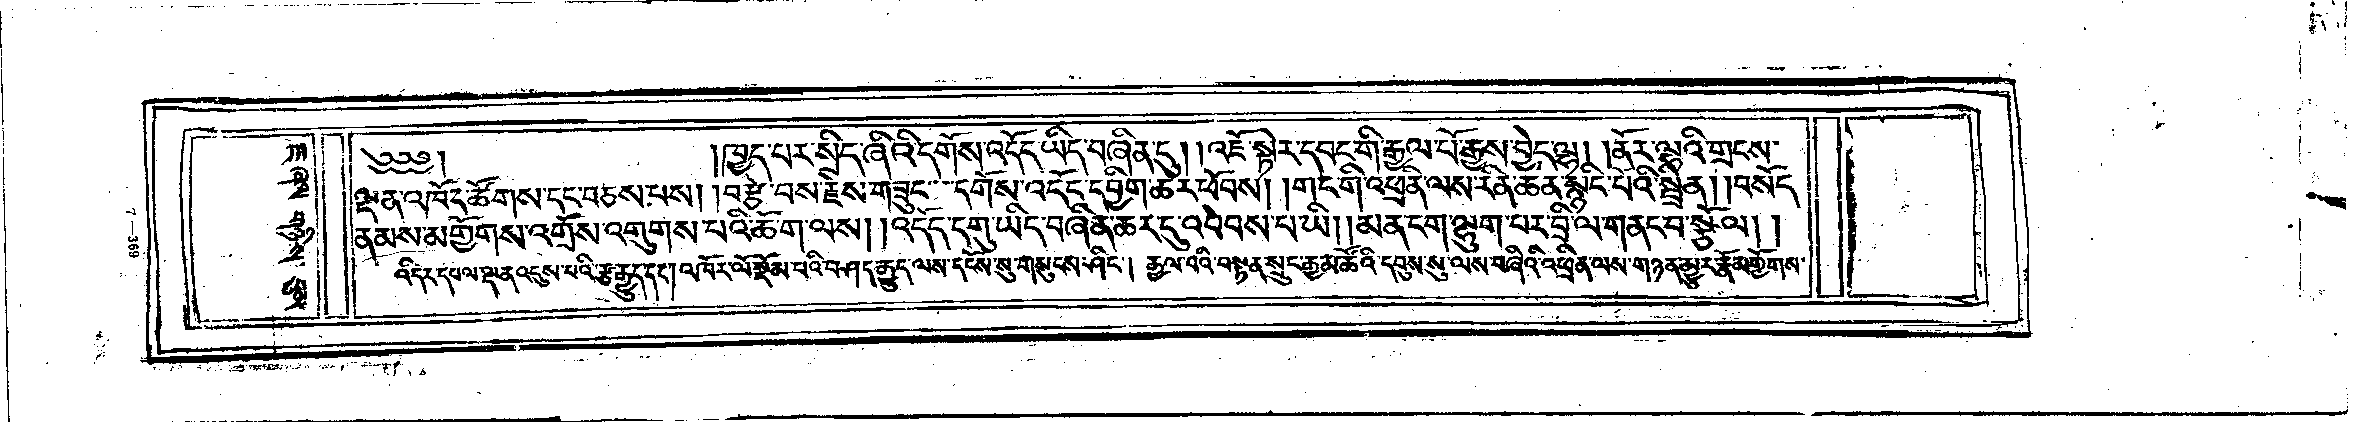༄༅༅། །ཁྱད་པར་སྲིད་ཞིའི་དགོས་འདོད་ཡིད་བཞིན་དུ། །འཇོ་སྟེར་དབང་གི་རྒྱལ་པོ་རྒྱས་བྱེད་ལྷ། །ནོར་ལྷའི་གྲངས་
ལྡན་འཁོར་ཚོགས་དང་བཅས་པས། །བརྩེ་བས་རྗེས་གཟུང་དགོས་འདོད་དབྱིག་ཆར་ཕོབས། །གང་གི་འཕྲིན་ལས་རིན་ཆེན་སྙིང་པོའི་སྤྲིན། །བསོད་
ནམས་མགྱོགས་འགྲོས་འགུགས་པའི་ཆོ་ག་ལས། །འདོད་དགུ་ཡིད་བཞིན་ཆར་དུ་འབེབས་པ་ཡི། །མན་ངག་ལྷུག་བར་བྲི་ལ་གནང་བསྩོལ། །
འདིར་དཔལ་ལྡན་འདུས་པའི་རྩ་རྒྱུད་དང་། འཁོར་ལོ་སྡོམ་པའི་བཤད་རྒྱུད་ལས་དངོས་སུ་གསངས་ཤིང་། རྒྱལ་བའི་བསྟན་སྲུང་རྒྱ་མཚོའི་དབུས་སུ་ལས་བཞིའི་འཕྲིན་ལས་གཉན་མྱུར་རྣོ་མགྱོགས་